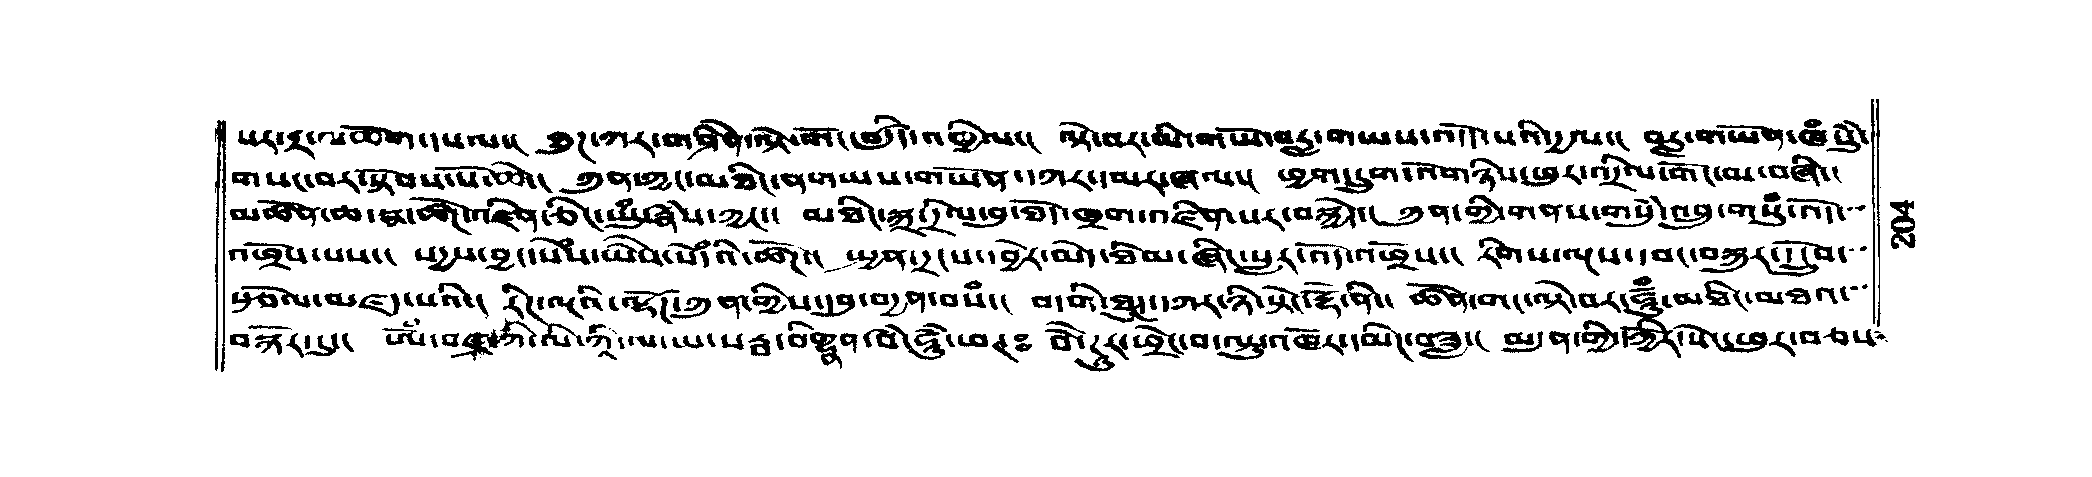པར་རྟ་མཆོག་དཔལ། ཐུགས་ཀར་གཤིན་རྗེ་ལྟེ་གོང་བདུད་རྩི་འཁྱིལ། ལྟེ་བར་མི་གཡོ་བརླ་གཡས་འདོད་པའི་རྒྱལ། བརླ་གཡོན་ཁམས་སུམ་
གསང་བར་སྟོབས་པོ་ཆེ། ཀུན་ཀྱང་མཐིང་ནག་གཡས་གཡོན་དཀར་དམར་ཞལ། ཕྱག་དྲུག་འོག་ཉིས་ཕུར་འདྲིལ་གོང་མ་བཞི། 
མཚོན་ཆ་སྣ་ཚོགས་འཛིན་ཅིང་ཡུམ་རྣམས་ཀྱང་། མཐིང་སྐྲ་དྲིལ་བུ་ཐོད་ཁྲག་འཛིན་པར་བསྐྱེད། ཀུན་གྱི་གནས་གསུམ་འབྲུ་གསུམ་འོད་
འཕྲོས་པས། སངས་རྒྱས་བྱང་སེམས་ཡེ་ཤེས་སེམས་དཔའི་ཚོགས། སྤྱན་དྲངས་དབྱེར་མེད་ཐིམ་ཞིང་སླར་འོད་འཕྲོས། རིགས་ལྔས་དབང་བསྐུར་དངོས་གྲུབ་
སྩོལ་ལམཛད་པའི། རིགས་ལྔའི་ལྷ་ཚོགས་ཀུན་གྱིས་དབུ་བརྒྱན་བསམ། བདག་གི་ཐུགས་དཀར་ཉི་སྟོང་རྡོ་རྗེ་ནི།ཚོན་གང་ལྟེ་བར་ཧཱུྃ་མཐིང་མཐའ་
བསྐོར་དུ། ཨོཾ་བཛྲ་ཀི་ལི་ཀཱི་ལ་ཡ་སརྦ་བིགྷྣན་བམ་ཧཱུྃ་ཕཊཿབཻ་ཌཱུར་ཕྲེང་བ་ལྟ་བུ་འཁོར་དམིགས་བཟླ། མདུན་གྱི་དཀྱིལ་འཁོར་སེང་ཕུར་བཅས་